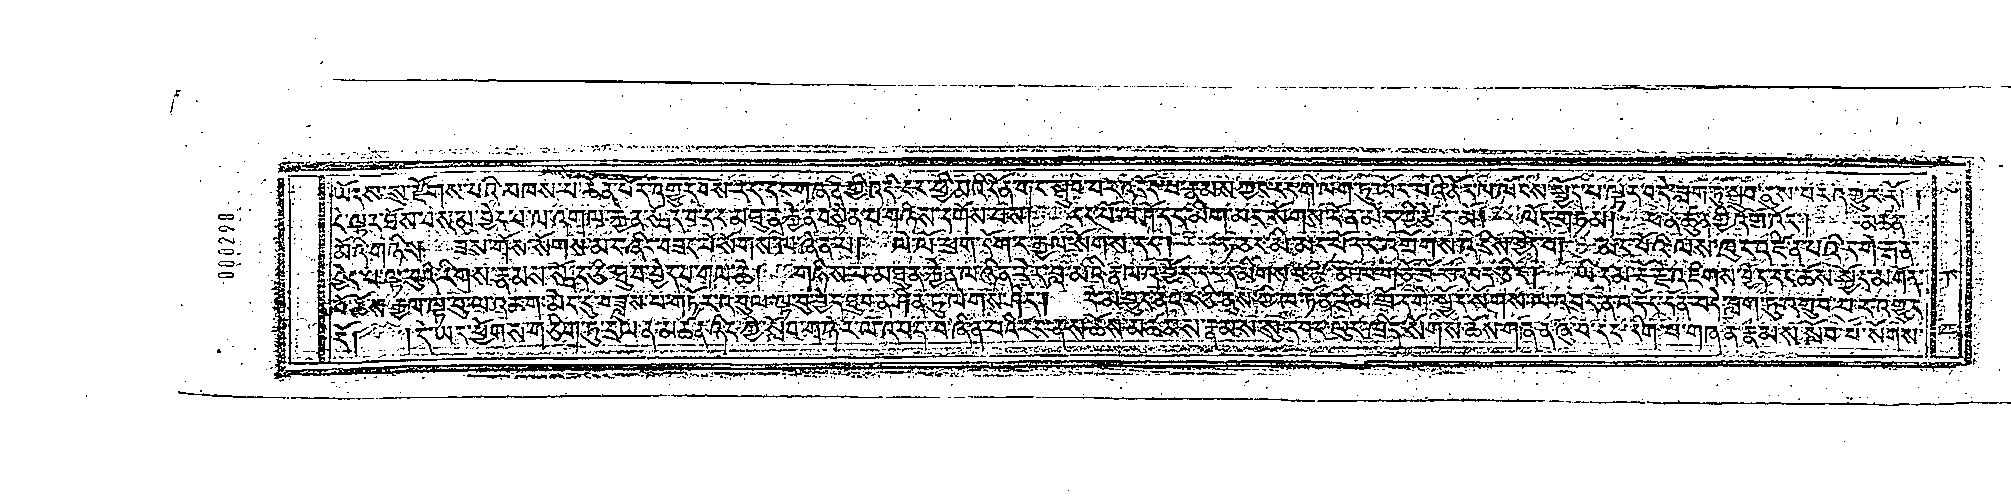ཡོངས་སུ་རྫོགས་པའི་མཁས་པ་ཆེན་པོར་འགྱུར་བས་རང་དང་གཞན་གྱི་འདི་དང་ཕྱི་མའི་དོན་གང་སྒྲུབ་པར་འདོད་པ་རྣམས་ཀྱང་རང་གི་ལག་ཏུ་ཡོད་པའི་ནོར་ལ་ལོངས་སྦྱོད་པ་ལྟར་བདེ་བླག་ཏུ་སྒྲུབ་ནུས་པར་འགྱུར་རོ། །
དེ་ལྟར་ཐོས་བསམ་བྱེད་བ་ལ་འགལ་རྐྱེན་སྤོང་བ་དང་མཐུན་རྐྱེན་བསྟེན་པ་གཉིས་དགོས་པས། དང་པོ་ལ་ཤོ་དང་མིག་མང་སོགས་ངོན་མེད་ཀྱི་རྩེད་མོ། ལོང་གཏམ། ཕན་ཚུན་གྱི་འགྲོ་འོང་། མཚན་
མོའི་གཉིད། ཟས་གོས་སོགས་མང་ཞིང་བཟང་པོ་སོགས་ལ་ཞེན་པ། ལེ་ལོ་ཕྲག་དོག་ང་རྒྱལ་སོགས་དང་། ཧ་ཅང་མི་མང་པོ་དང་འགྲོགས་འདྲིས་བྱེད་བ། མང་པོའི་ལས་ཁུར་འཛིན་པའི་དགེ་རྒན་
བྱེད་པ་ལྟ་བུའི་རིགས་རྣམས་སྤོད་ཅི་ཐུབ་བྱེད་པ་གལ་ཆེ། གཉིས་པ་མཐུན་རྐྱེན་ལ་ཉིན་རེར་བླ་མའི་རྣལ་འབྱོར་དང་དམིགས་བརྩེ་མ་ལ་གཙོ་བོར་འབད་ཅིང་། ཡི་དམ་རྡོ་རྗེ་འཇིགས་བྱེད་དང་ཆོས་སྐྱོང་མགོན་
བོ་ཆོས་རྒྱལ་ལྟ་བུ་ལ་འཆག་མེད་དུ་བཟླས་པ་གཏོར་འབུལ་ལྟ་བུ་བྱེད་ཐུབ་ན་ཤིན་ཏུ་ལེགས་ཤིང་། དེ་མ་བྱུང་ནའང་ཅི་ནུས་ཀྱི་ཁ་ཏོན་རིམ་གྲོ་དགེ་སྦྱོང་སོགས་ལ་འབད་ན་འདོད་དོན་བདེ་བླག་ཏུ་འགྲུབ་པར་འགྱུར་
རོ། །དེ་ཡང་ཕྱོགས་གཅིག་ཏུ་དྲིལ་ན་མཚན་ཉིད་ཀྱི་སློབ་གཉེར་ལ་འབད་བཞིན་པའི་ངང་ནས་ཆོས་མཚམས་རྣམས་སུ་དབང་ལུང་ཁྲིད་སོགས་ཆོས་གཞན་ཞུ་བ་དང་རིག་པ་གཞན་རྣམས་སློབ་པ་སོགས་